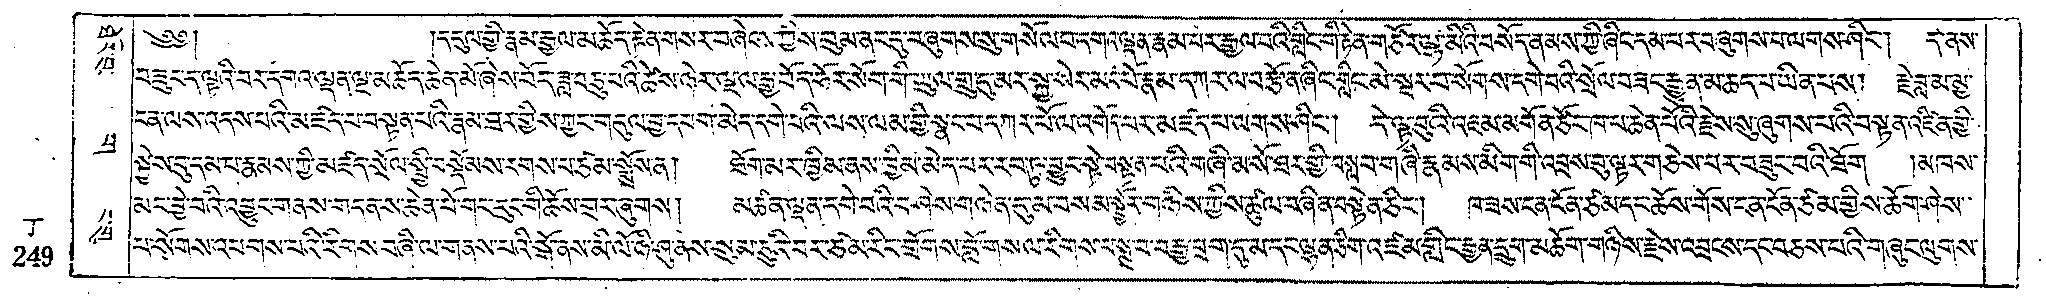༄༅། །དངུལ་གྱི་རྣམ་རྒྱལ་མཆོད་རྟེན་གསར་བཞེངས་ཀྱིས་བུམ་ནང་དུ་བཞུགས་སུ་གསོལ་བ་དགའ་ལྡན་རྣམ་པར་རྒྱལ་བའི་གླིང་གི་རྟེན་གཙོར་ལྷ་མིའི་བསོད་ནམས་ཀྱི་ཞིང་དམ་པར་བཞུགས་པ་ལགས་ཤིང་། དེ་ནས་
བཟུང་ད་ལྟའི་བར་དགའ་ལྡན་ལྔ་མཆོད་ཆེན་མོ་ཞེས་བོད་ཟླ་བཅུ་པའི་ཚེས་ཉེར་ལྔ་ལ་རྒྱ་བོད་ཧོར་སོགས་གི་ཡུལ་གྲུ་དུ་མར་སྐྱ་སེར་མང་པོ་རྣམ་དཀར་ལ་བརྩོན་ཞིང་གླིང་མེ་སྦར་བ་སོགས་དགེ་བའི་སྲོལ་བཟང་རྒྱུན་མ་ཆད་པ་ཡིན་པས། རྗེ་བླ་མ་མྱ་
ངན་ལས་འདས་པའི་མཛད་པ་བསྟན་པའི་རྣམ་ཐར་གྱིས་ཀྱང་གདུལ་བྱ་དཔག་མེད་དགེ་བའི་ལས་ལམ་གྱི་སྣང་བ་དཀར་པོ་ལ་འགོད་པར་མཛད་པ་ལགས་ཤིང་། དེ་ལྟ་བུའི་འཇམ་མགོན་ཙོང་ཁ་པ་ཆེན་པོའི་རྗེས་སུ་ཞུགས་པའི་བསྟན་འཛིན་གྱི་
སྐྱེས་བུ་དམ་པ་རྣམས་ཀྱི་མཛད་སྲོལ་སྤྱི་བསྡོམས་རགས་པ་ཙམ་སྨྲོས་ན། ཐོག་མར་ཁྱིམ་ནས་ཁྱིམ་མེད་པར་རབ་ཏུ་བྱུང་སྟེ་བསྟན་པའི་གཞི་མ་སོ་ཐར་གྱི་བསླབ་གཞི་རྣམས་མིག་གི་འབྲས་བུ་ལྟར་གཅེས་པར་བཟུང་བའི་ཐོག །མཁས་
མང་བྱེ་བའི་འབྱུང་ནས་གདན་ས་ཆེན་པོ་གང་རུང་གི་ཆོས་གྲར་ཞུགས། མཚན་ལྡན་དགེ་བའི་བཤེས་གཉེན་དུ་མ་བསམ་སྦྱོར་གཉིས་ཀྱིས་ཚུལ་བཞིན་བསྟེན་ཅིང་། ཁ་ཟས་ངན་དོན་ཙམ་དང་ཆོས་གོས་ངན་ཙམ་གྱིས་ཆོག་ཤེས་་་
པ་སོགས་འཕགས་པའི་རིགས་བཞི་ལ་གནས་པའི་སྒོ་ནས་མི་ལོ་ཉི་ཤུ་ནས་སུམ་ཅུའི་བར་ཙམ་རིང་གྲོགས་བློ་གསལ་རིགས་པ་སྨྲ་བ་བརྒྱ་ཕྲག་དུ་མ་དང་ལྷན་ཅིག་འཛམ་གླིང་རྒྱན་དྲུག་མཆོག་གཉིས་རྗེས་འབྲངས་དང་བཅས་པའི་གཞུང་ལུགས་